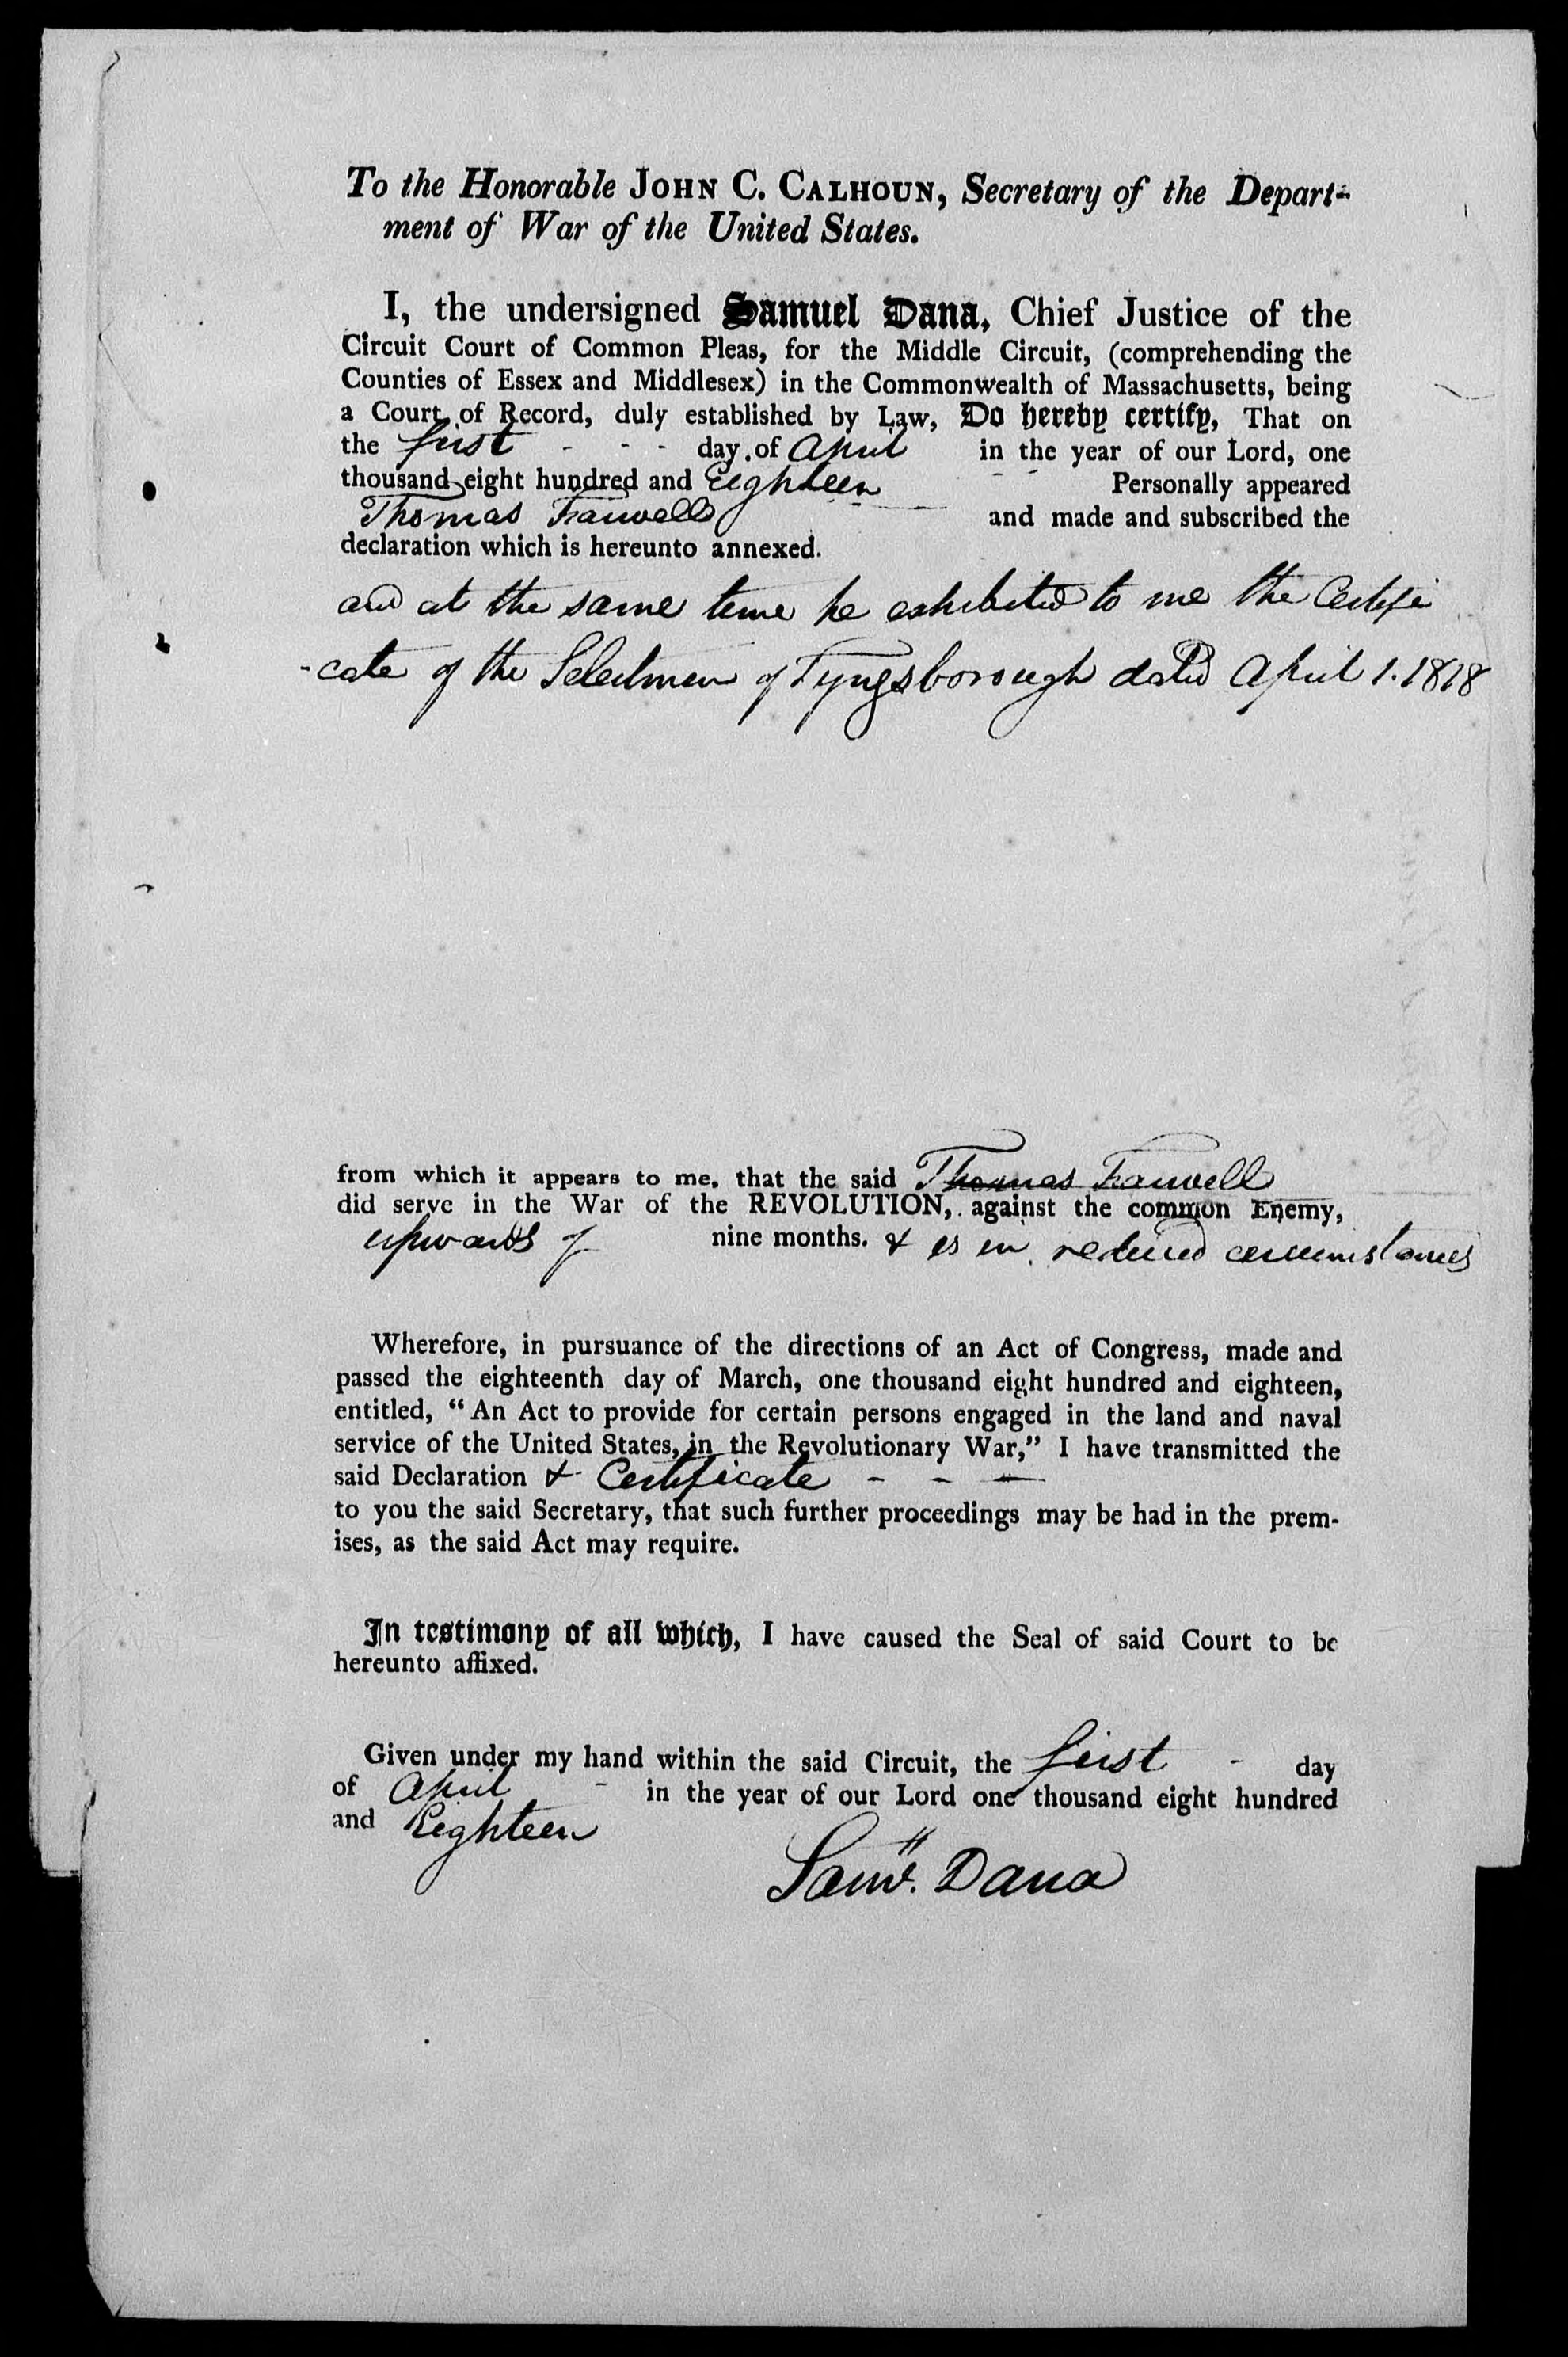To the Honorable John C. Calhoun, Secretary of the Department of War of the United States.

I, the undersigned Samuel Dana, Chief Justice of the Circuit Court of Common Pleas, for the Middle Circuit, (comprehending the Counties of Essex and Middlesex) in the Commonwealth of Massachusetts, being a Court, of Record, duly established by Law, Do hereby certify, That on the first day of april in the year of our Lord, on thousand eight hundred and eighteen Personally appeared Thomas Farwell and made and subscribed the declaration which is hereunto annexed.
and at the same time he exhibited to me the certificate of the Telemen of Tyngsborough dated april 1. 1818

from which it appears to me, that the said Thomas Farwell did serve in the War of the REVOLUTION, against the common enemy, upwards of nine months. & is in reduced circumstances

Wherefore, in pursuance of the directions of an Act of Congress, made and passed the eighteenth day of March, one thousand eight hundred and eighteen, entitled, "An Act to provide for certain persons engaged in the land and naval service of the United States, in the Revolutionary War," I have transmitted the said Declaration & Certificate to you the said Secretary, that such further proceedings may be had in the premises, as the said Act may require.

In testimony of all which, I have coused the Seal of said Court to be hereunto affixed.

Given under my hand within the said Circuit, the first day of april in the year of our Lord one thousand eight hundred and Eighteen
Saml Dana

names: Samuel Dana, John C Calhoun, Thomas Farwell, Saml Dana, Thomas Farwell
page: 6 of 18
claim: survivor's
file: S. 34,831, Thomas Farwell, Conn.